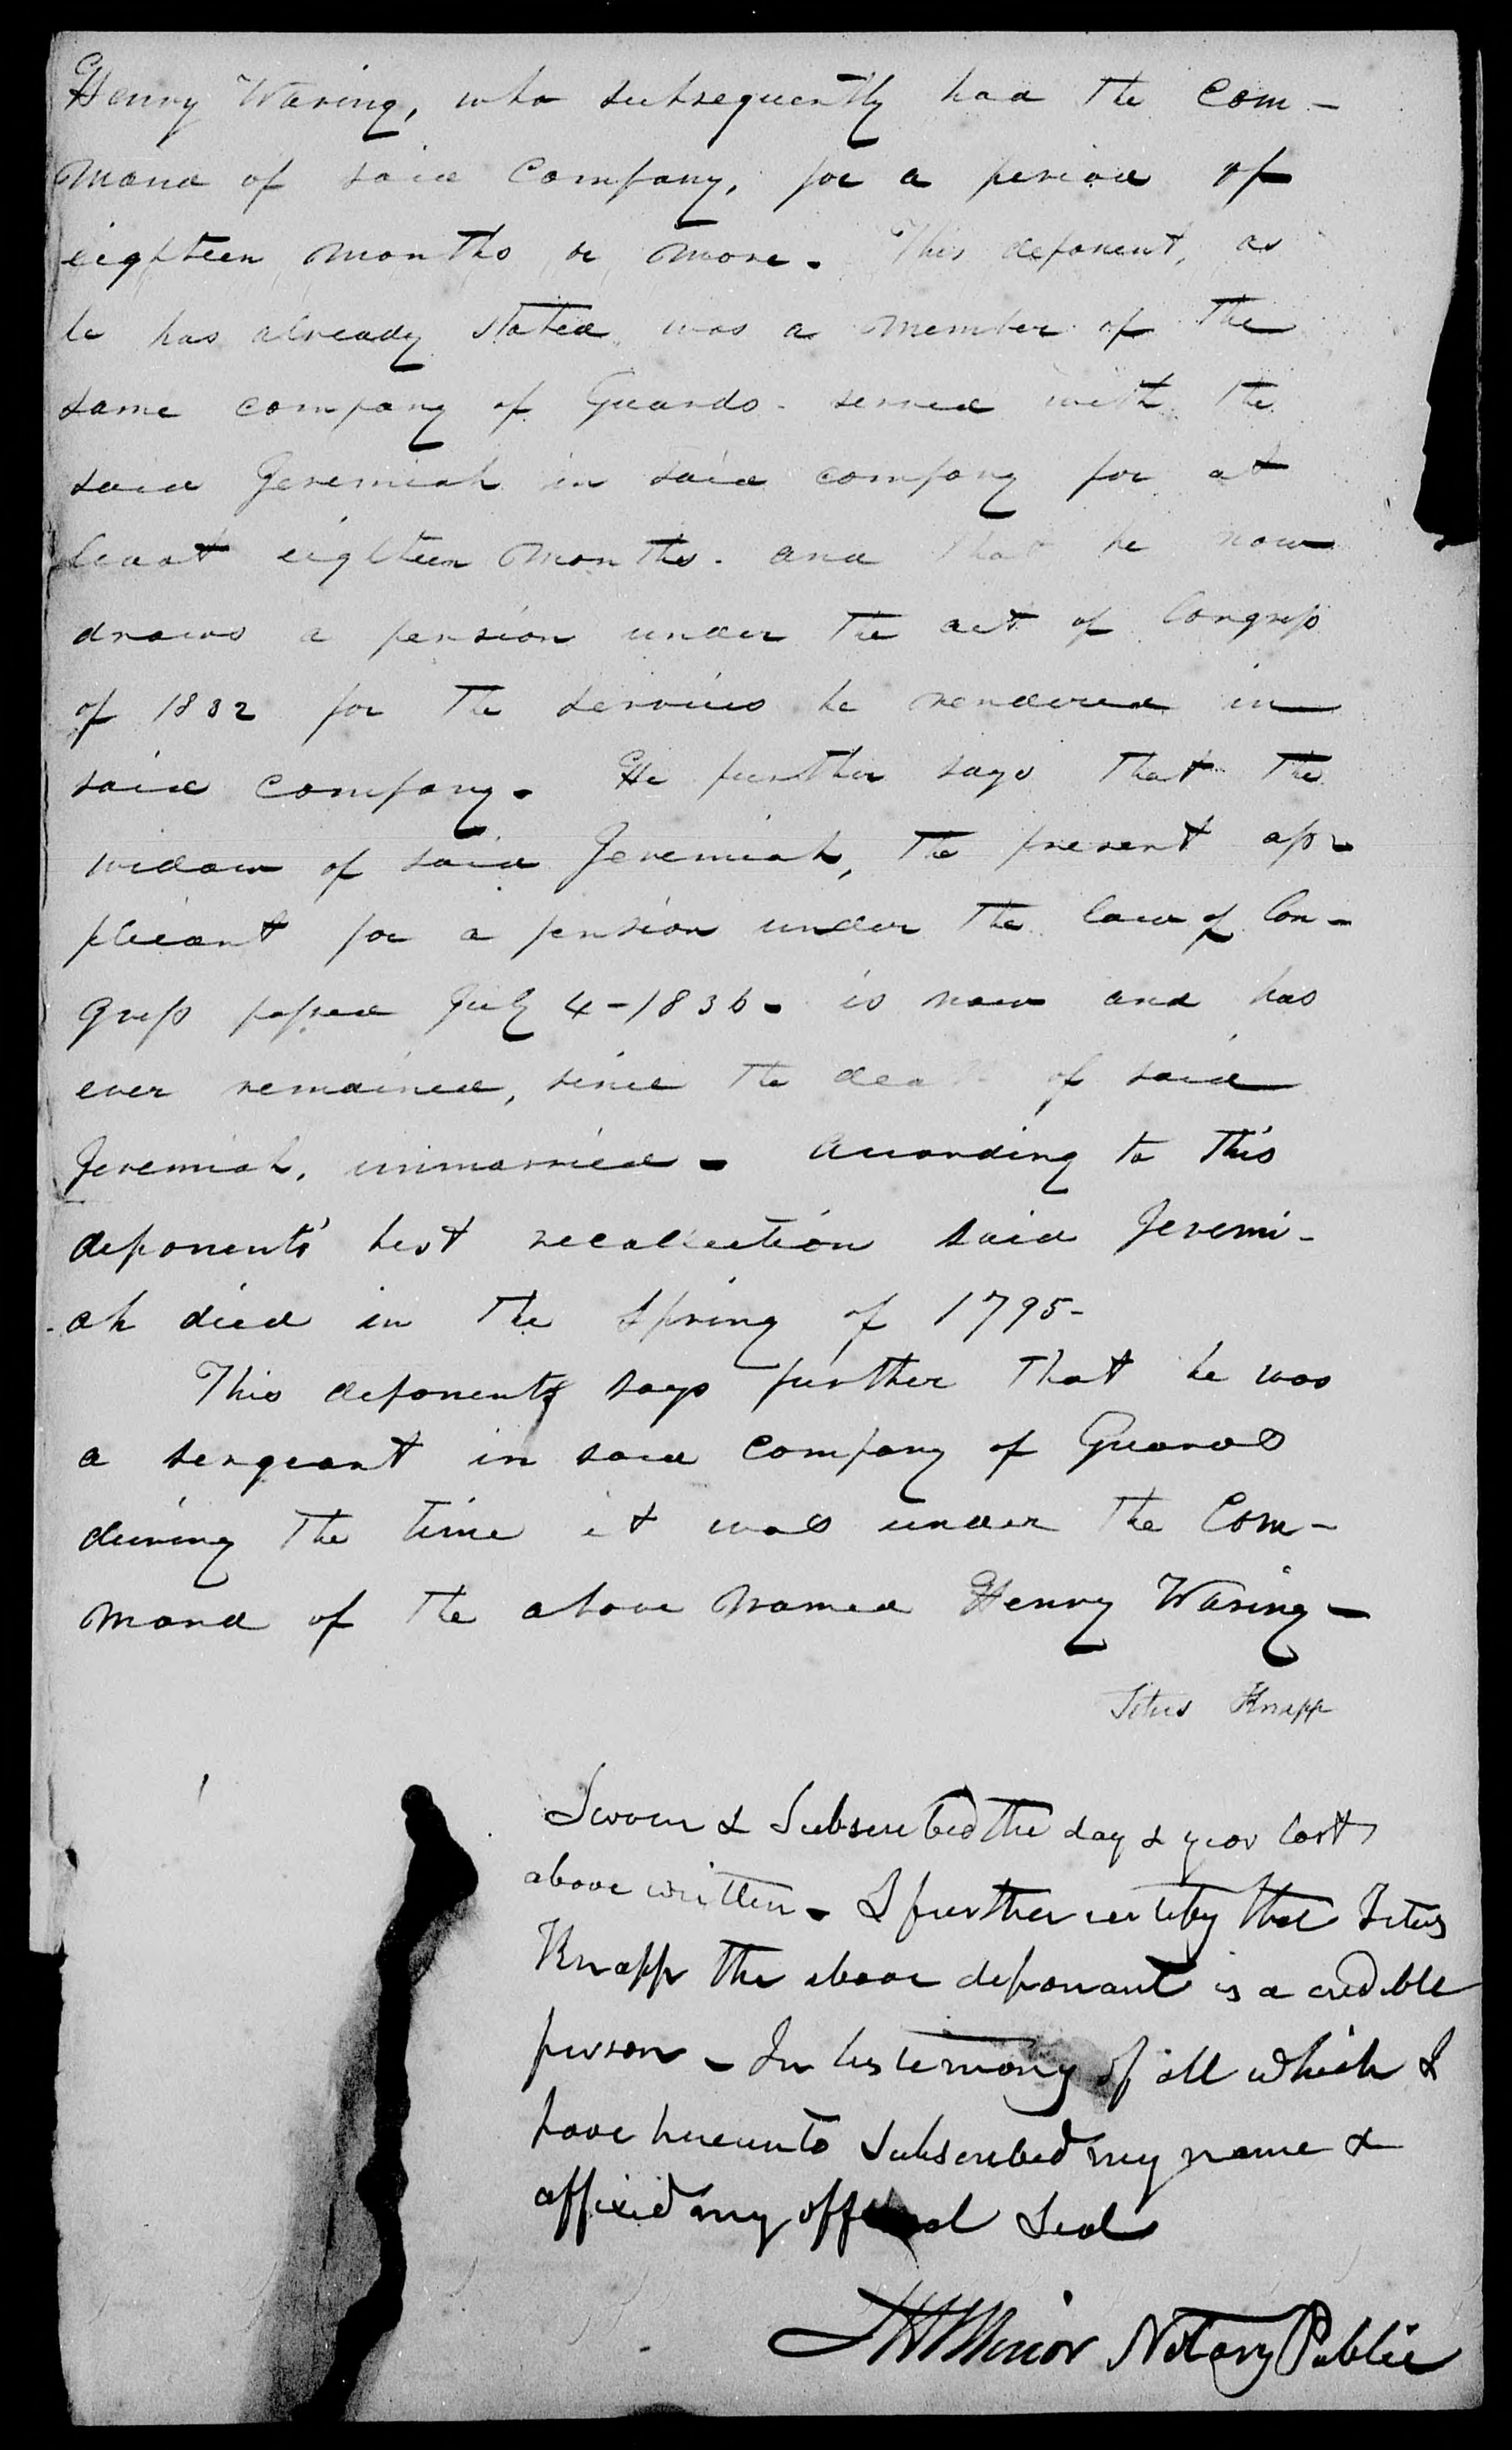Henry Waring who subsequently had the command of said Company, for a period of eighteen months or more.  This deponent, as he has already stated was a member of the same Company of Guards, served with the said Jeremiah in said Company for at least eighteen months, and that he now draws a pension under the act of Congress in 1832 for the  services he rendered in said Company.  He further says that the widow of said Jeremiah, the present applicant for a pension under the law of Congress passed July 4- 1836 - is now and has ever remained, since the death of said Jeremiah, unmarried - according to this deponent's best recollection said Jeremiah died in the Spring of 1795 -

This deponent says further that he was a sergeant in said company of Guards during the time it was under the Command of the above named Henry Waring-

                    [Signed] Titus Knapp

Sworn & Subscribed the day &year last above written.  I further testify that Titus Knapp the above deponant [sic] is a credible person - In testimony of all which I have hereunto Subscribed my name & affixed my official Seal
   [Signed]  J H Minor  Notary Public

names: Jeremiah, Jeremiah, Titus Knapp, Henry Waring, Henry Waring, S H Minor, Titus Knapp, Jeremiah, Jeremiah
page: 10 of 14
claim: widow's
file: W. 17897, Jeremiah Ferris, Conn.